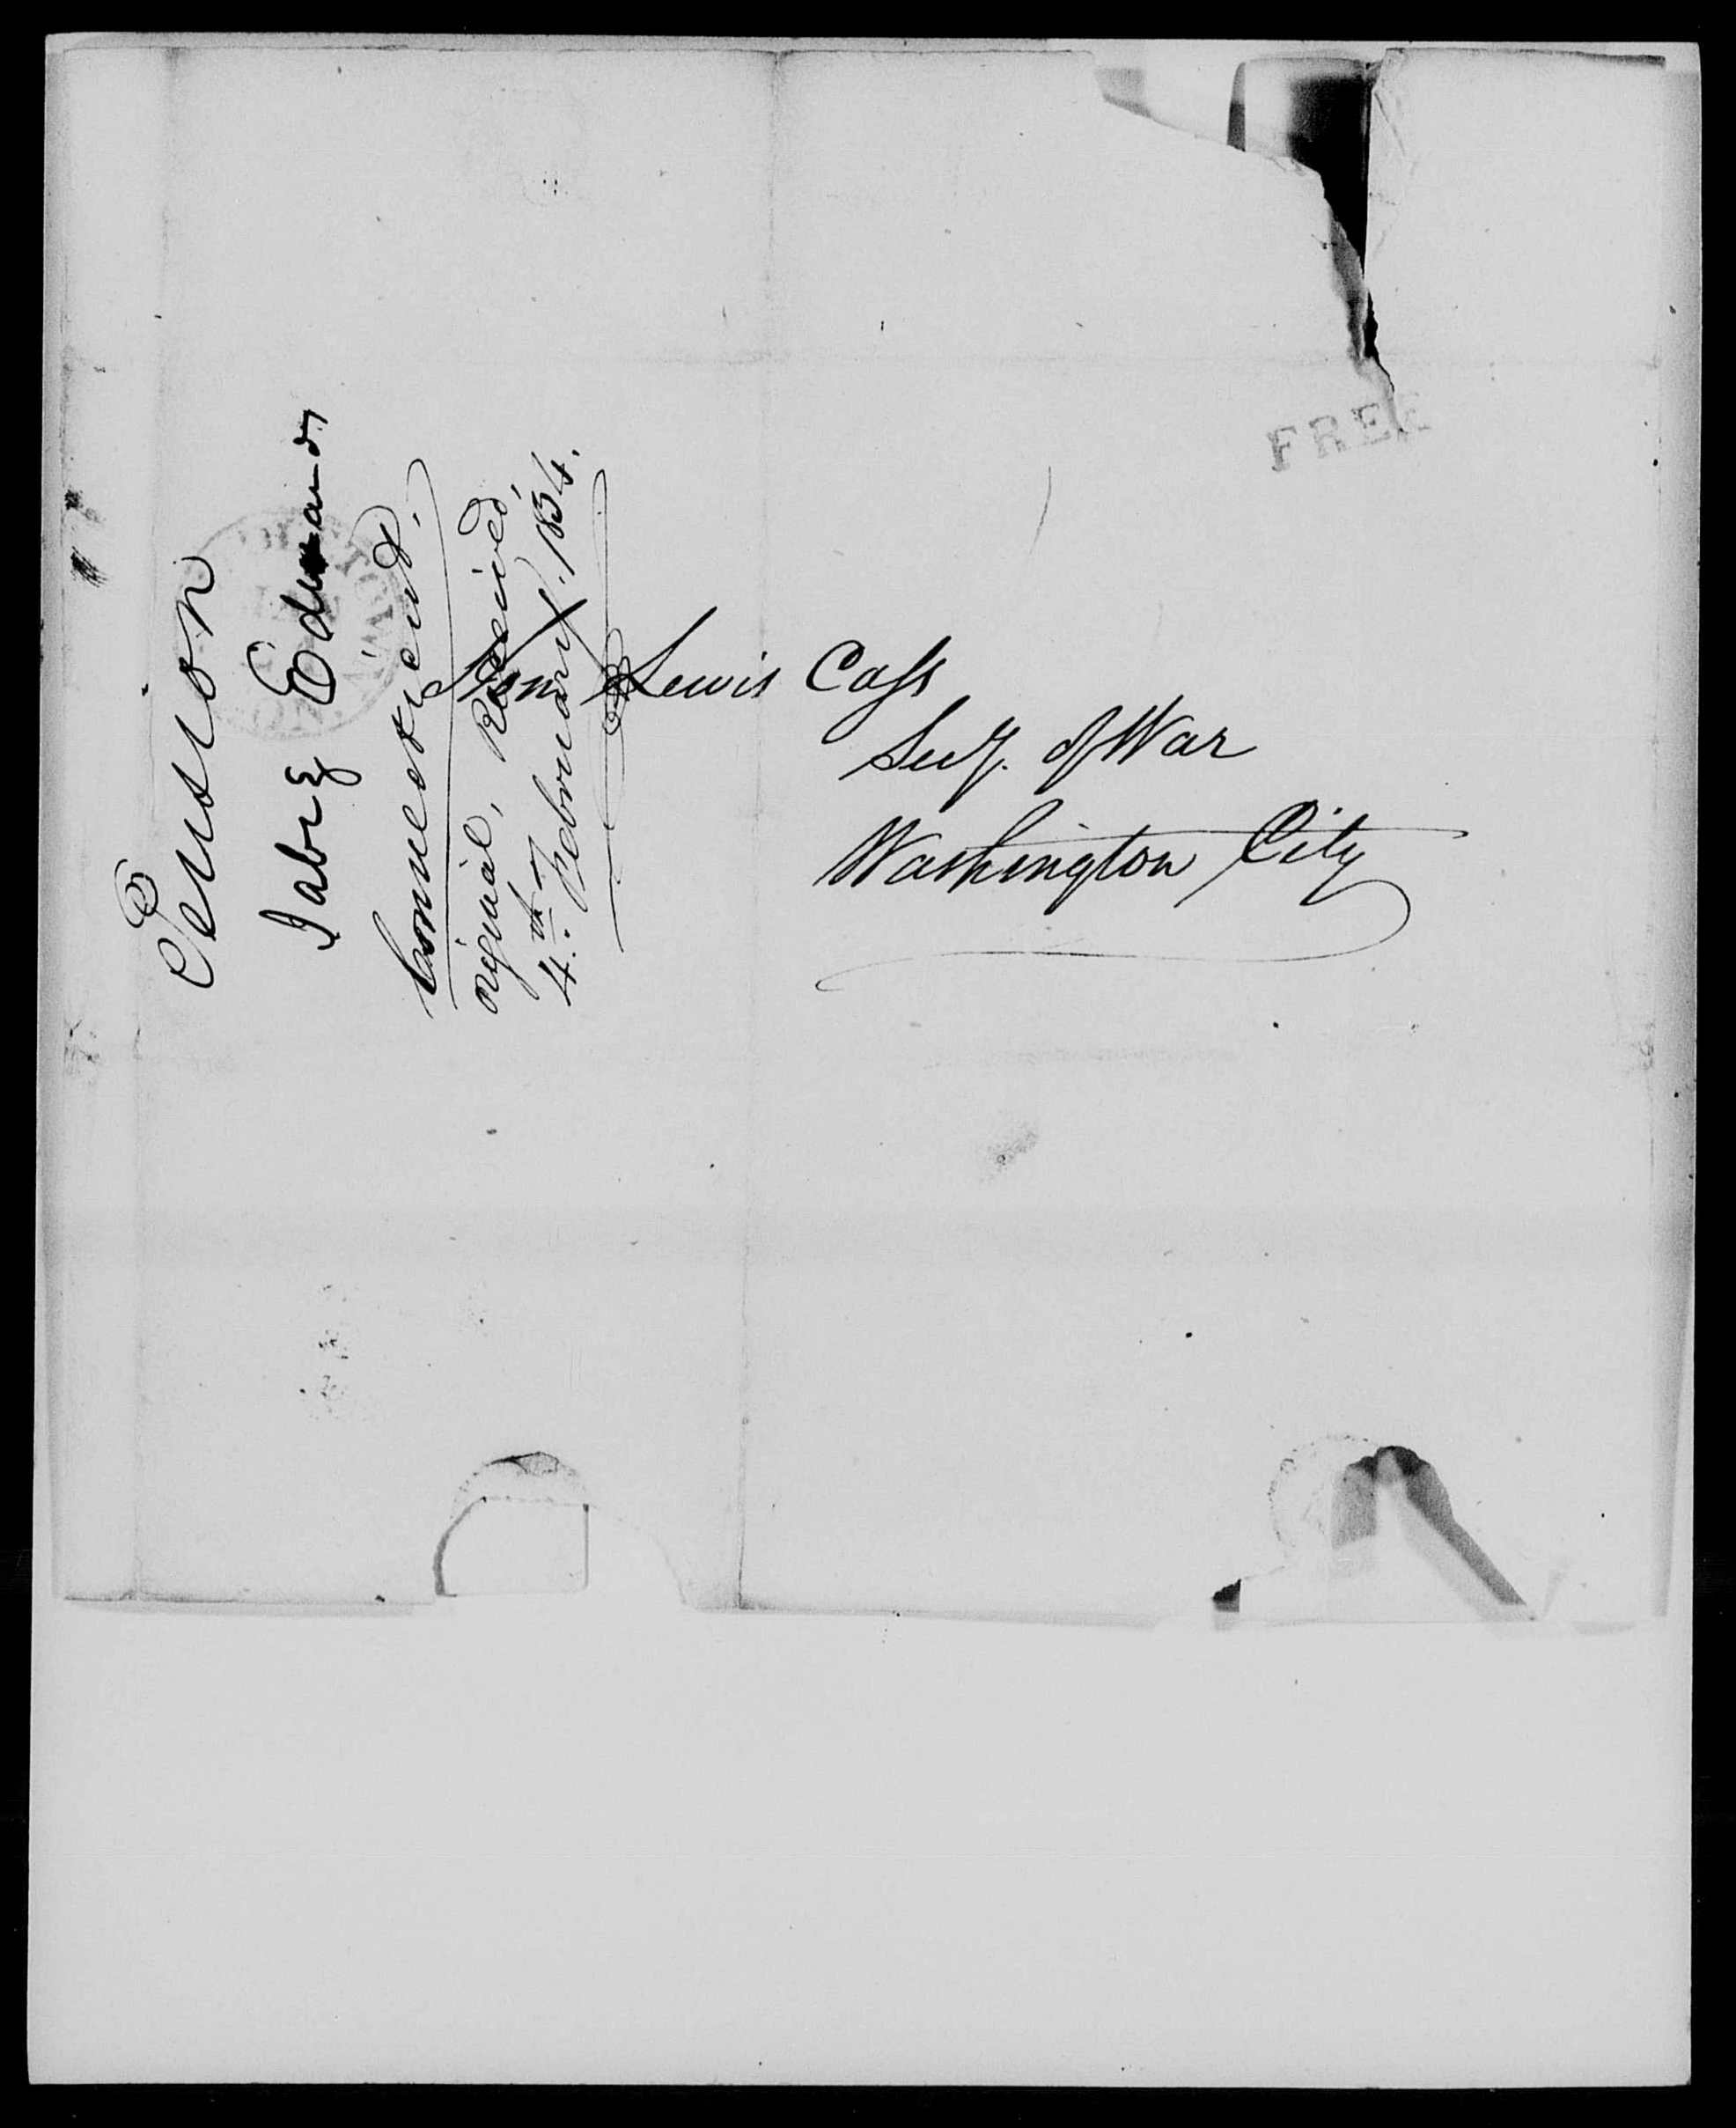FREE
Hon. Lewis Cass
Secy. of War
Washington City

Pension
Jabez Edwards
Connecticut
Original, received 4th February 1834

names: Lewis Cass, Jabez Edwards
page: 49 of 50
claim: survivor's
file: S 10607, Jabez Edwards, Conn.